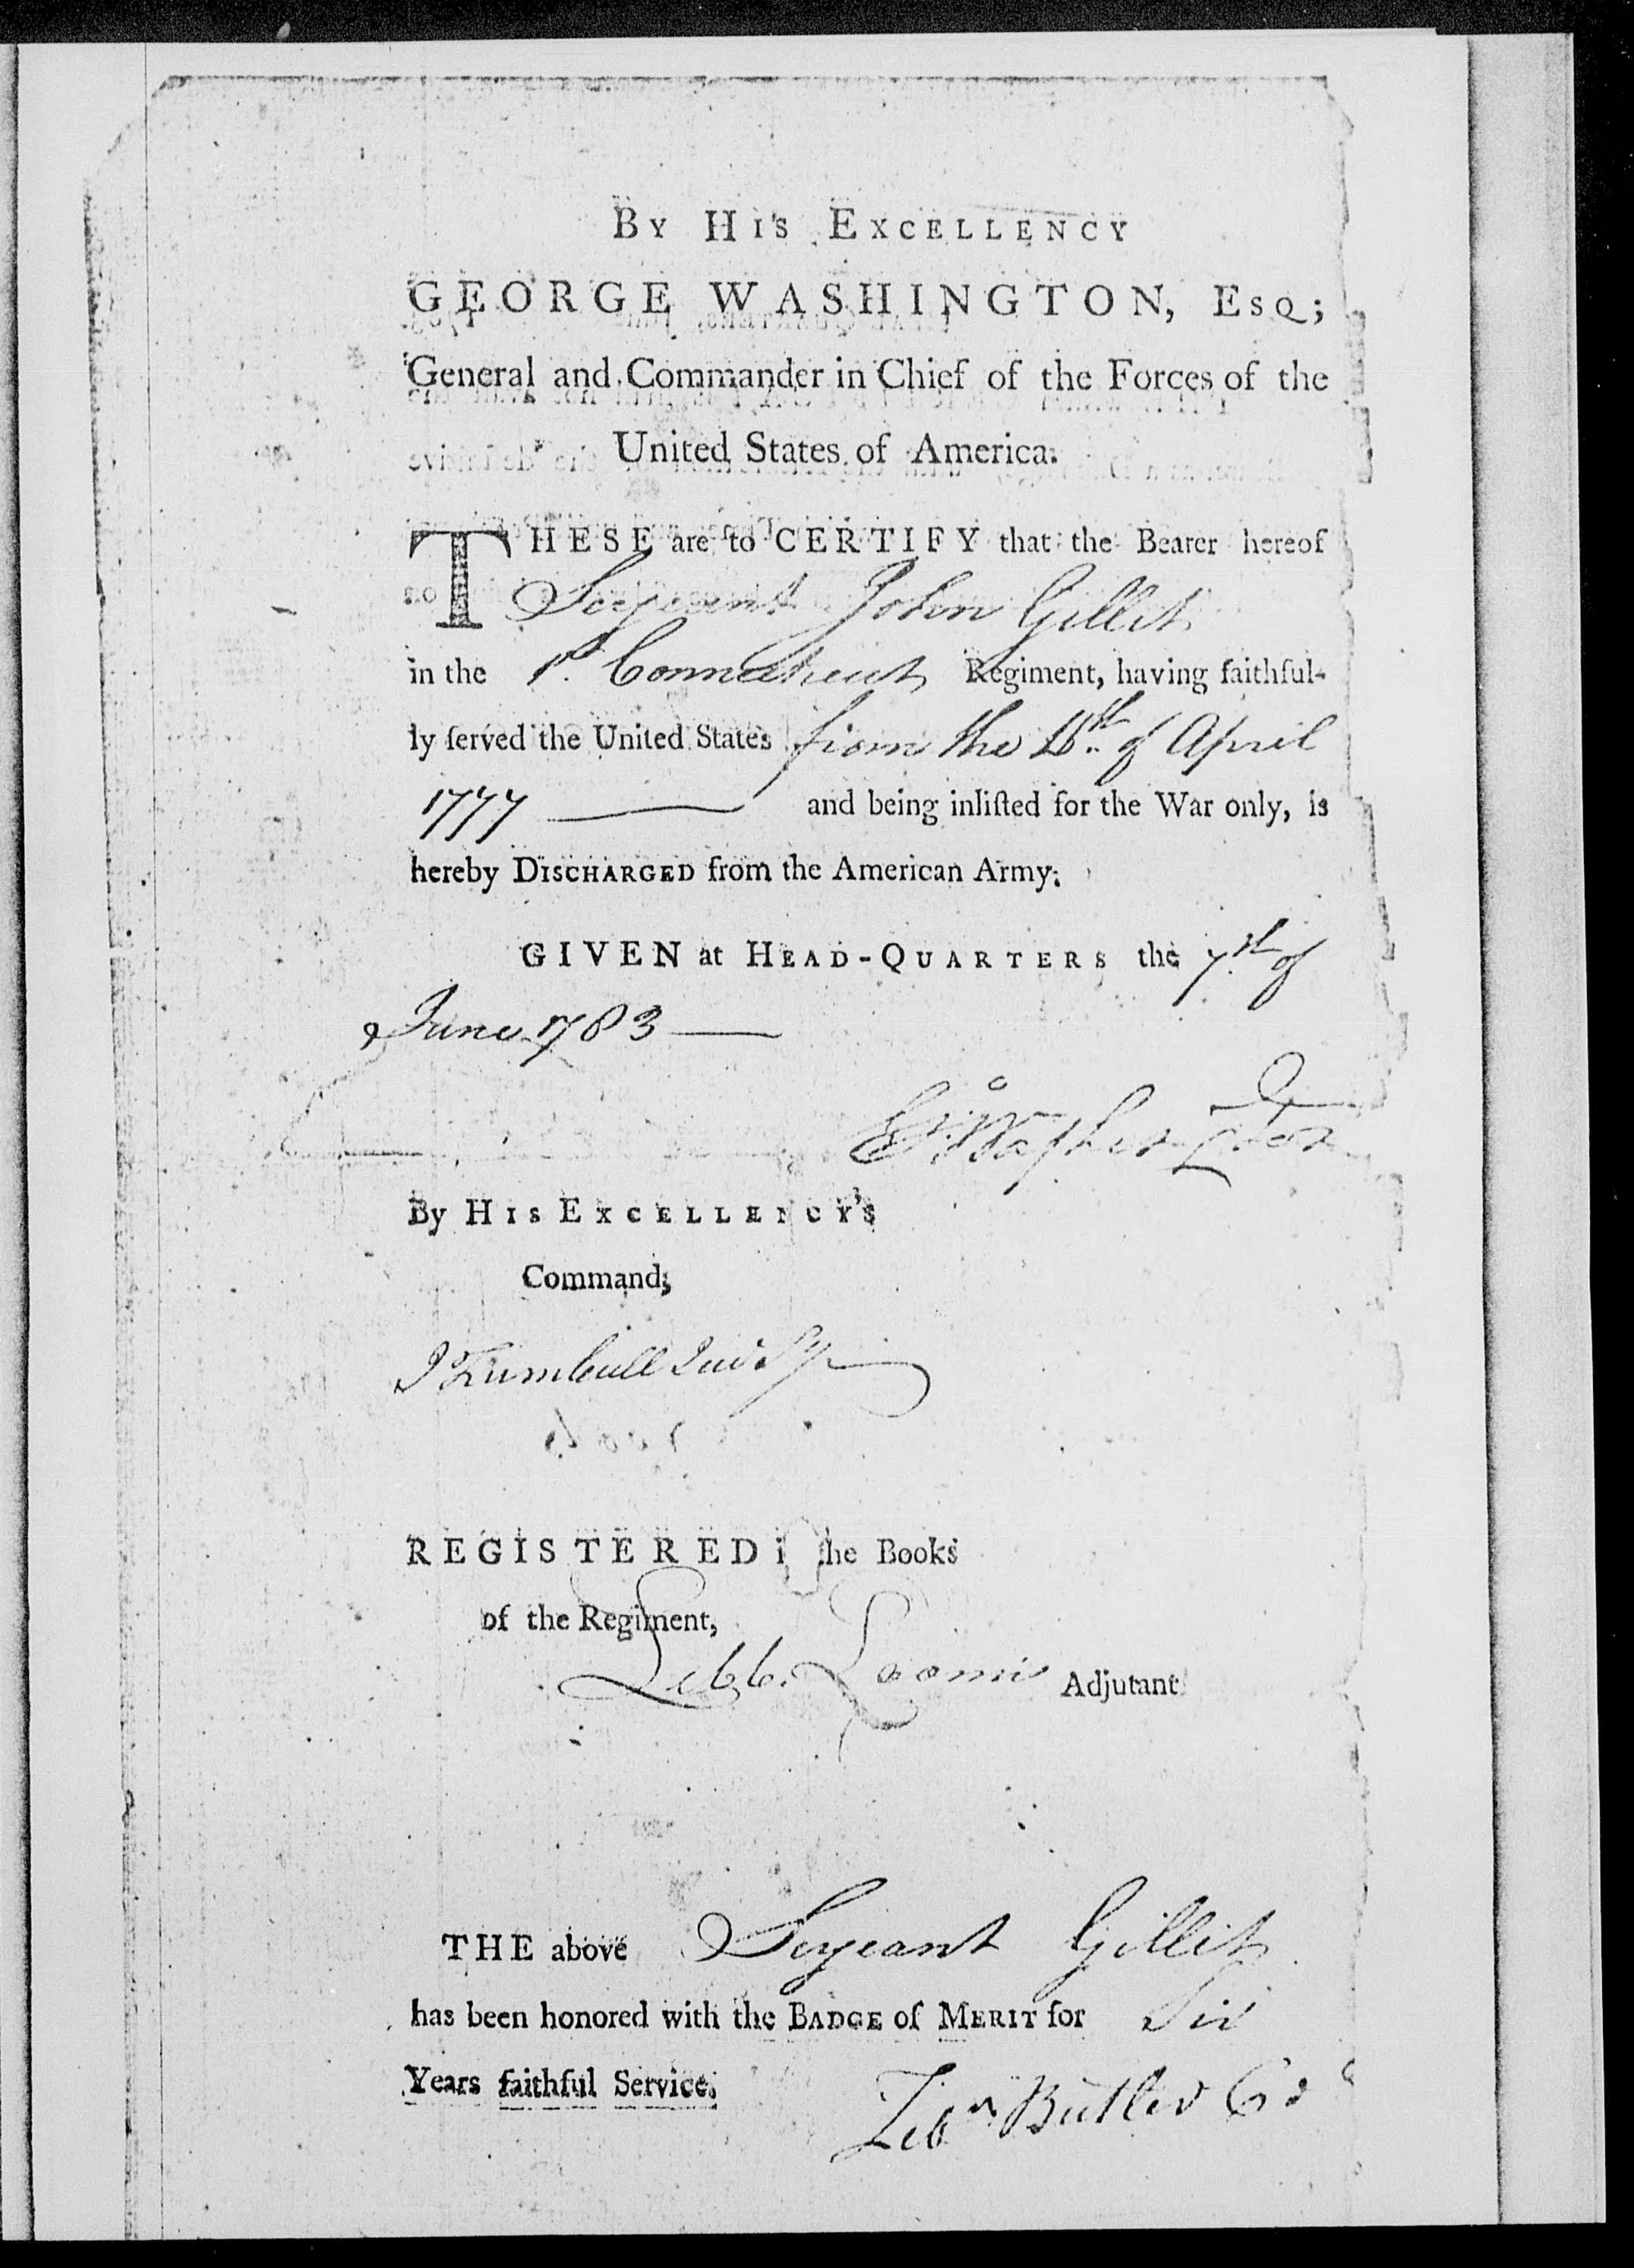By His Excellency
                        GEORGE WASHINGTON, Esq;
General and Commander in Chief of the Forces of the 
                          United States of America.

THESE are to CERTIFY that the Bearer hereof
                     Sergeant John Gillet
in the 1st Connecticut Regiment, having faithful-
ly served the United States from the 16th of April
1777 -    and being inlisted for the War only, is
hereby DISCHARGED from the American Army.

     GIVEN at HEAD-QUARTERS the 7th of June 1783 -
  [Signed]  Geo. Washington
By His Excellency's
Command;

J. Trumbull, Secretary
    [illegible]

REGISTERED in the Books
of the Regiment
 [Signed] Lebb Loomis  Adjutant

THE above Sergeant Gillet
has been honored with the BADGE OF MERIT for Six 
Years faithful Service.
     [Signed}  Zebn  Butler Co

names: Go Washington, John Gillet, Zebn Butler, George Washington, Lebb Loomis, Gillit, J Trumbull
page: 15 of 40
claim: survivor's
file: S. 36,537 And R. 4034, John Gillet, Conn.